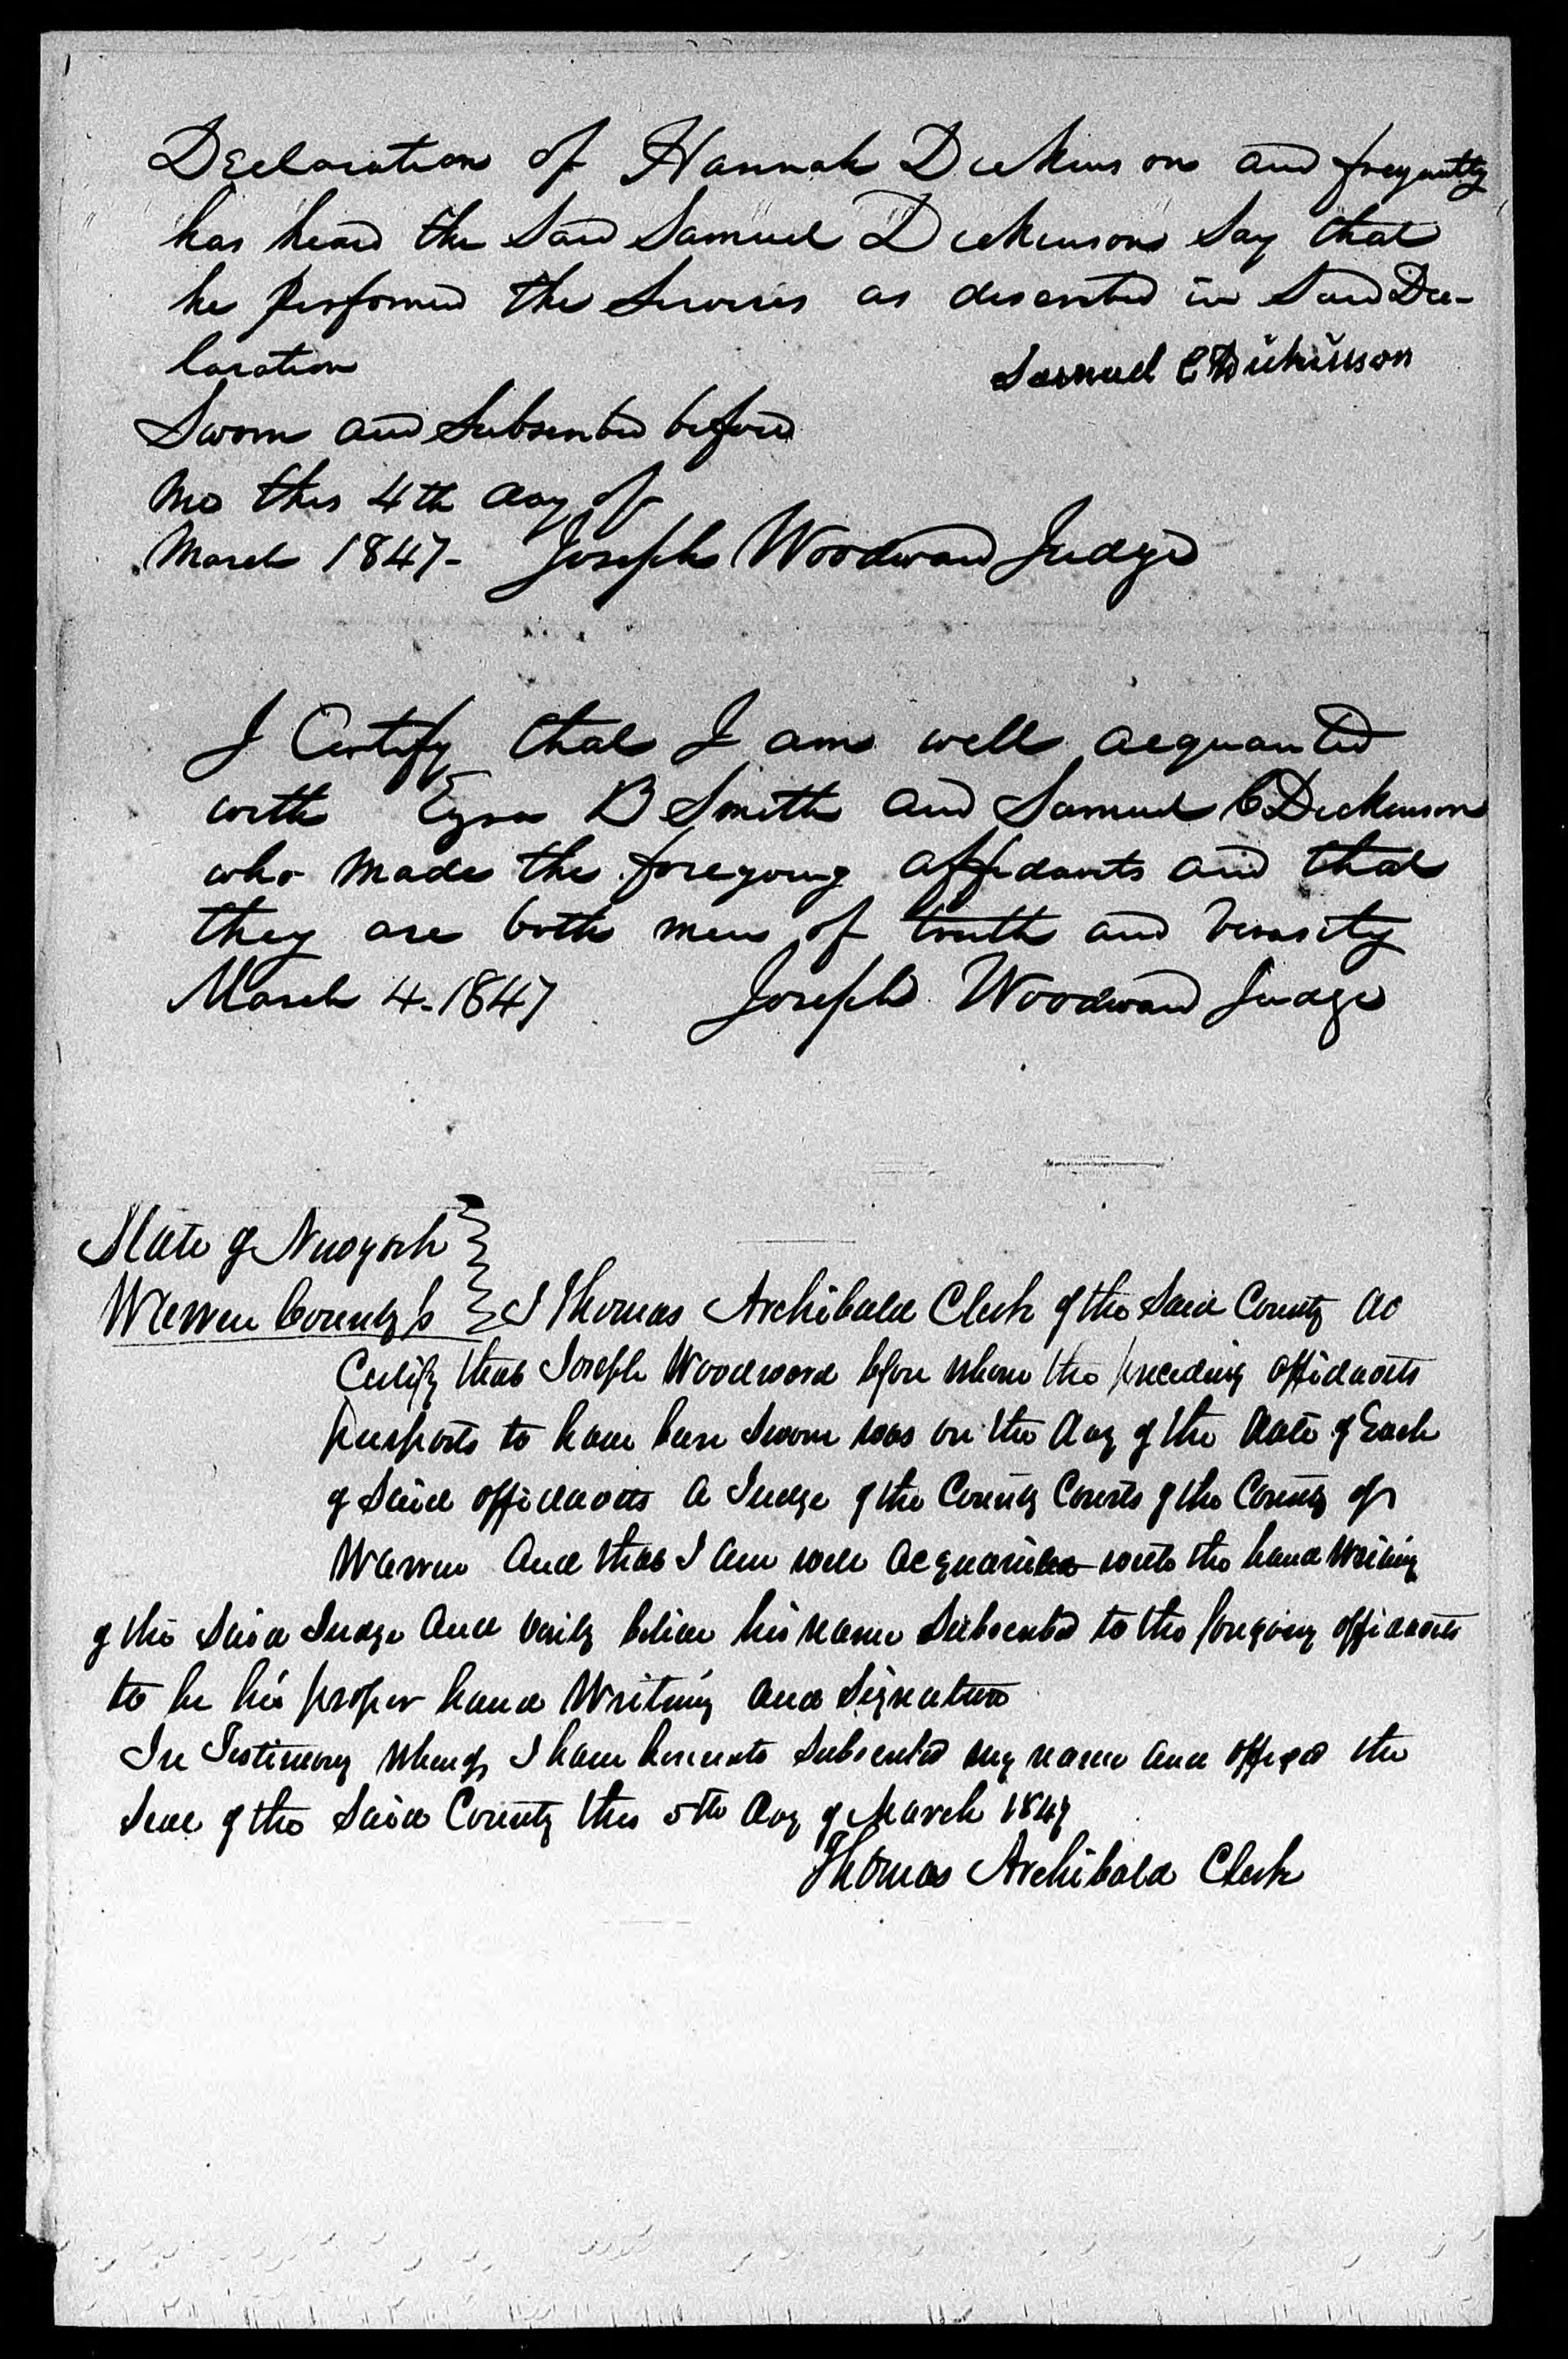Declarations of Hannah Dickinson and [illegible] has heard the said Samuel Dickinson say that he performed the Services as directed in Said Declaration
Samuel C Dickinson

Sworn and Subscribed before me this 4th day of March 1847 - Joseph Woodward Judge

I Certify that I am well acquainted with Eza B Smith and Samuel C Dickinson who made the foregoing affidavits and that they are both men of truth and veracity
March 4, 1847
Jose Woodward Judge

State of New York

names: Samuel C Dickinson, Thomas Archibald, Samuel Dickinson, Joseph Woodward, Joseph Woodward, Joseph Woodward, Thomas Archibald, Hannah Dickinson, Ezra B Smith, Samuel C Dickinson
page: 14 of 60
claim: widow's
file: W 16,955, Samuel Dickinson, Conn.